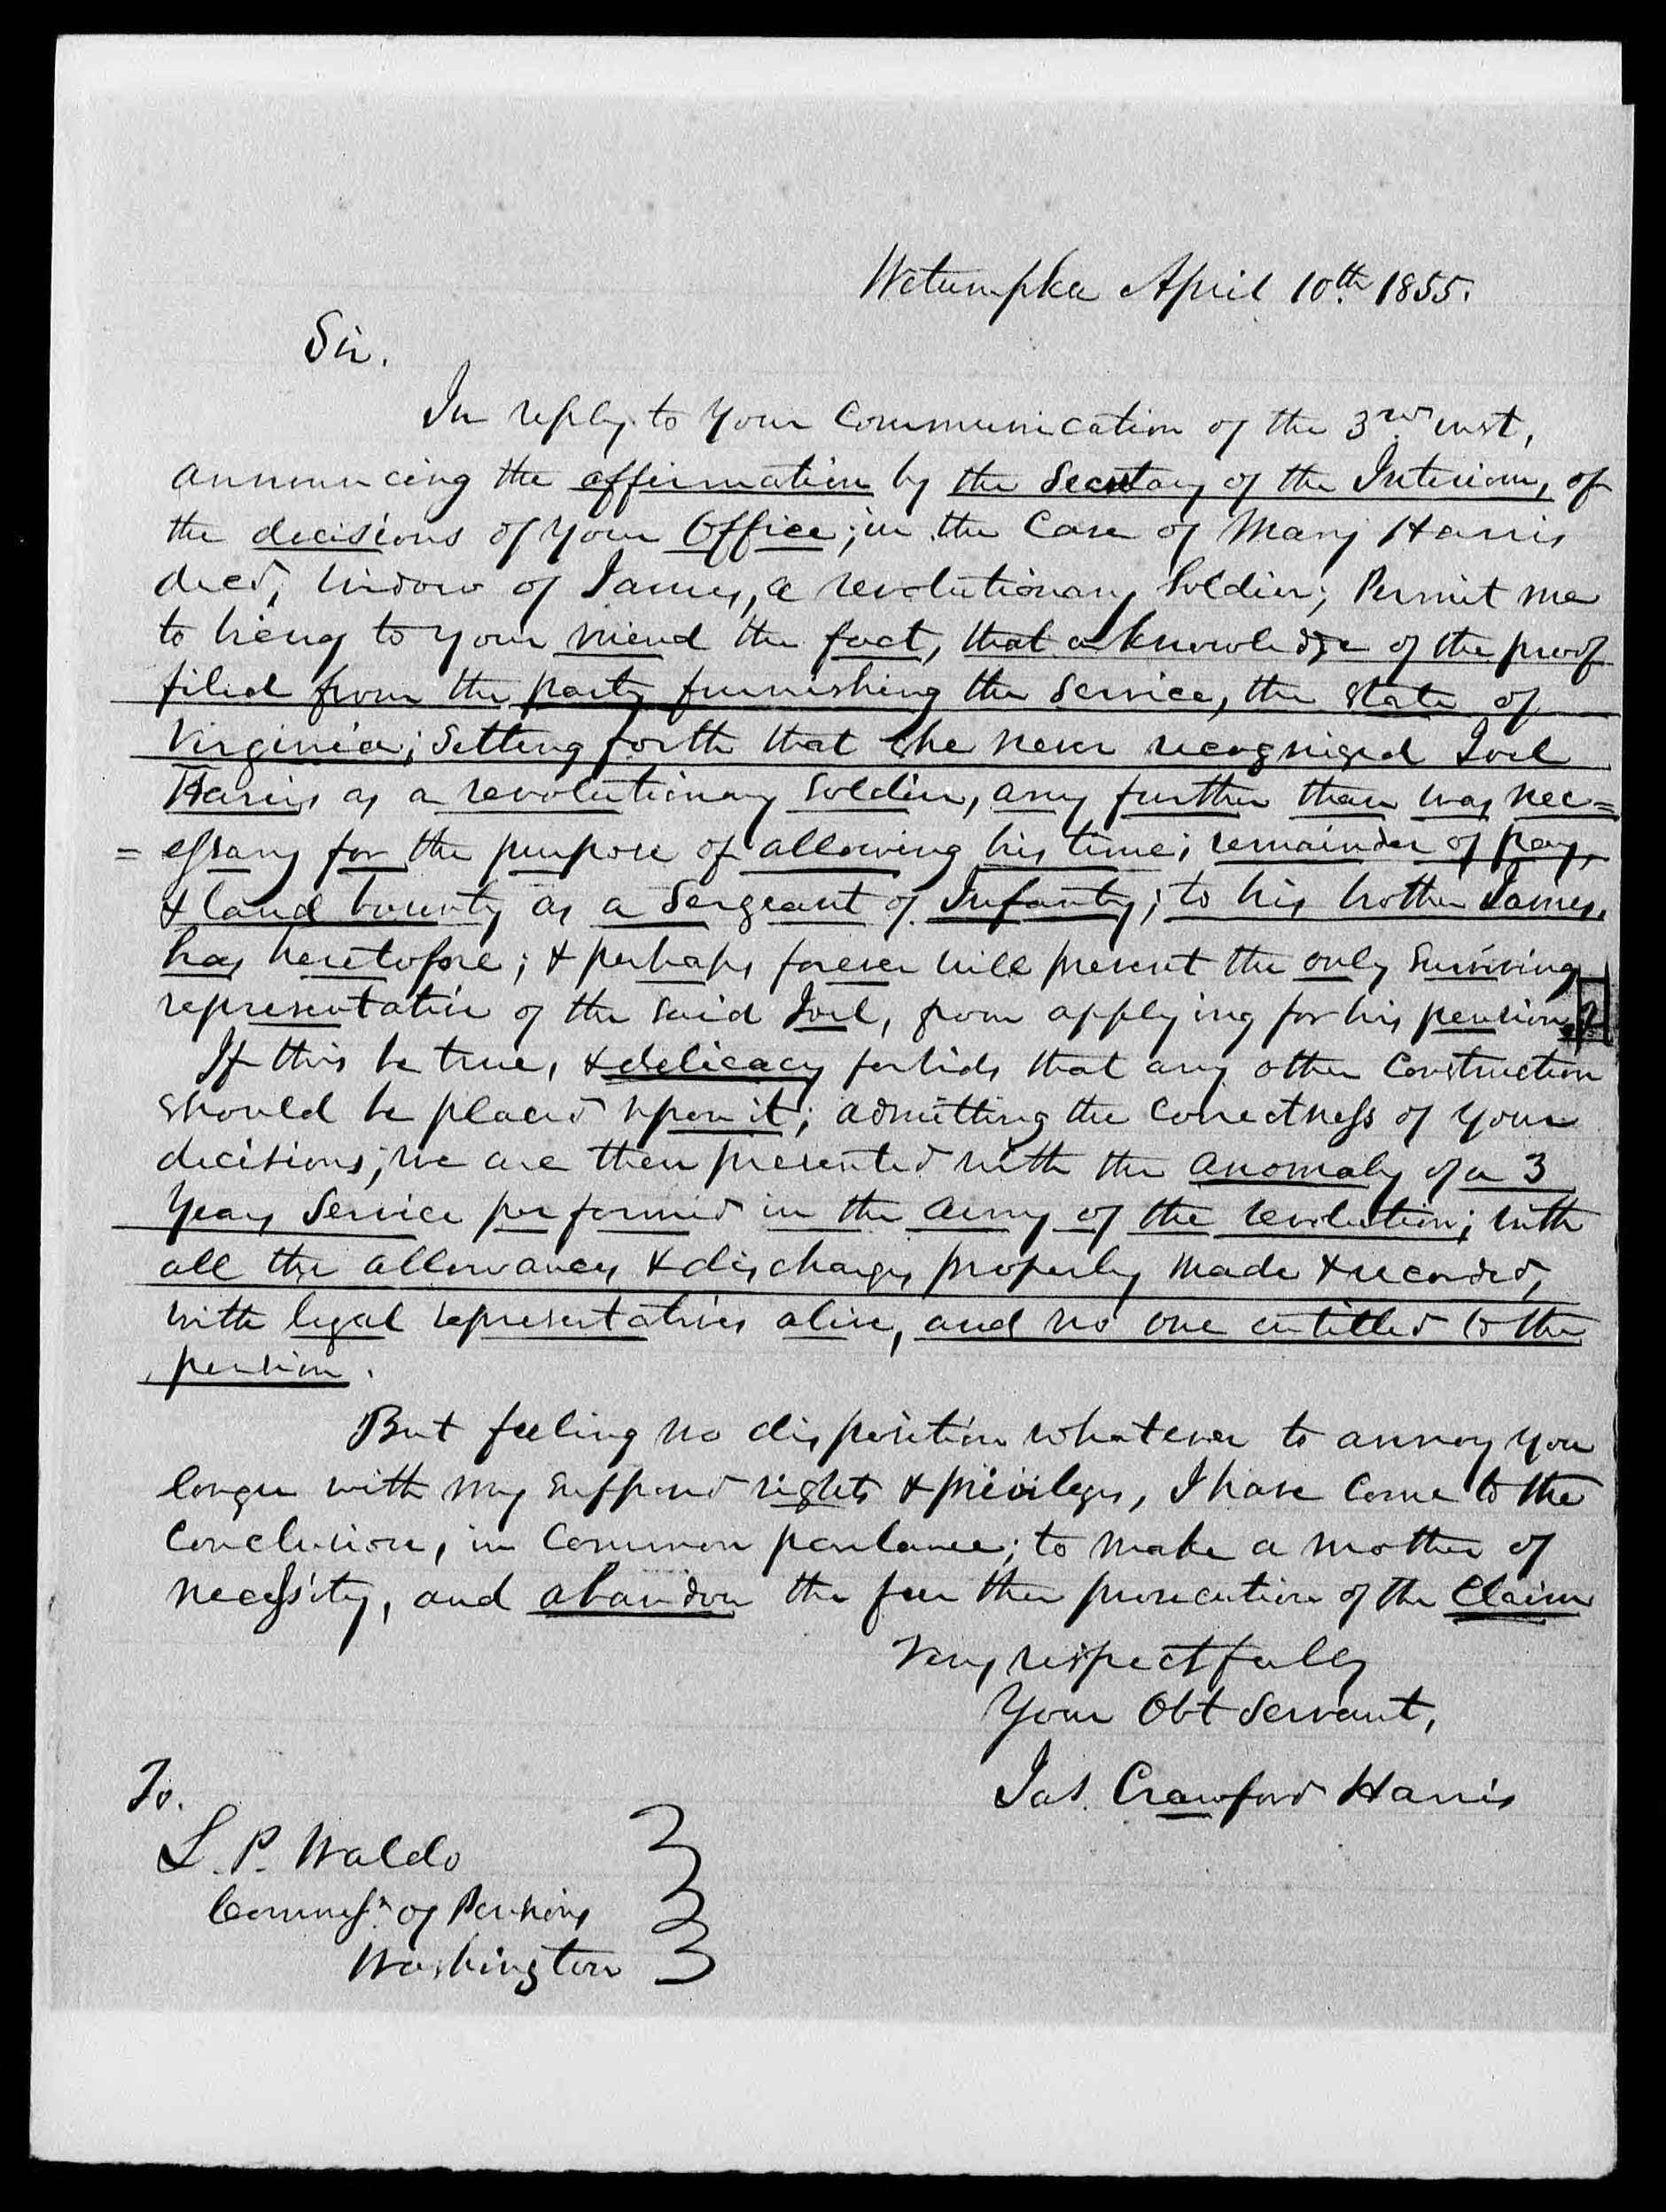Wetumpka April 10th 1855

Sir.
In reply to  your communication of the 3rd inst. announcing the affirmation by the Secretary of the Interior, of the decisions of your office, in the case of Mary Harris decd, widow of James, a revolutionary soldier,; permit me to bring to your mind the fact, that a knowledge of the proof filed from the party furnishing the service, the State of Virginia, setting forth that she never recognized Joel Harris as a revolutionary soldier, any further than was necessary for the purpose of allowing his time, remainder of pay, & land bounty as a sergeant of Infantry, to his brother James has heretofore & perhaps forever will prevent the only surviving representative of the said Joel, from applying for his pension. (2)
If this be true, & delicacy forbids that any other construction should be placed upon it, admitting the correctness of your decisions, we are then presented with the anomaly of a 3 year service performed in the army of the revolution, with all the allowances & discharges properly made & recorded with legal representations alive, and no one entitled to the pension.
But feeling no disposition whatever to annoy you longer with my supposed rights & privileges, I have come to the conclusion, in common parlance, to make a mother of necessity, and abandon the further prosecution of the claim.
Very respectfully
Your Obt Servant,
Jas. Crawford Harris

To.
L. P Waldo
Commisn of Pensions
Washington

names: James, L P Waldo, Mary Harris, Jas Crawford Harris, Joel, James, Joel Harris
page: 109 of 160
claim: rejected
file: R. 4666, James Harris, Va.